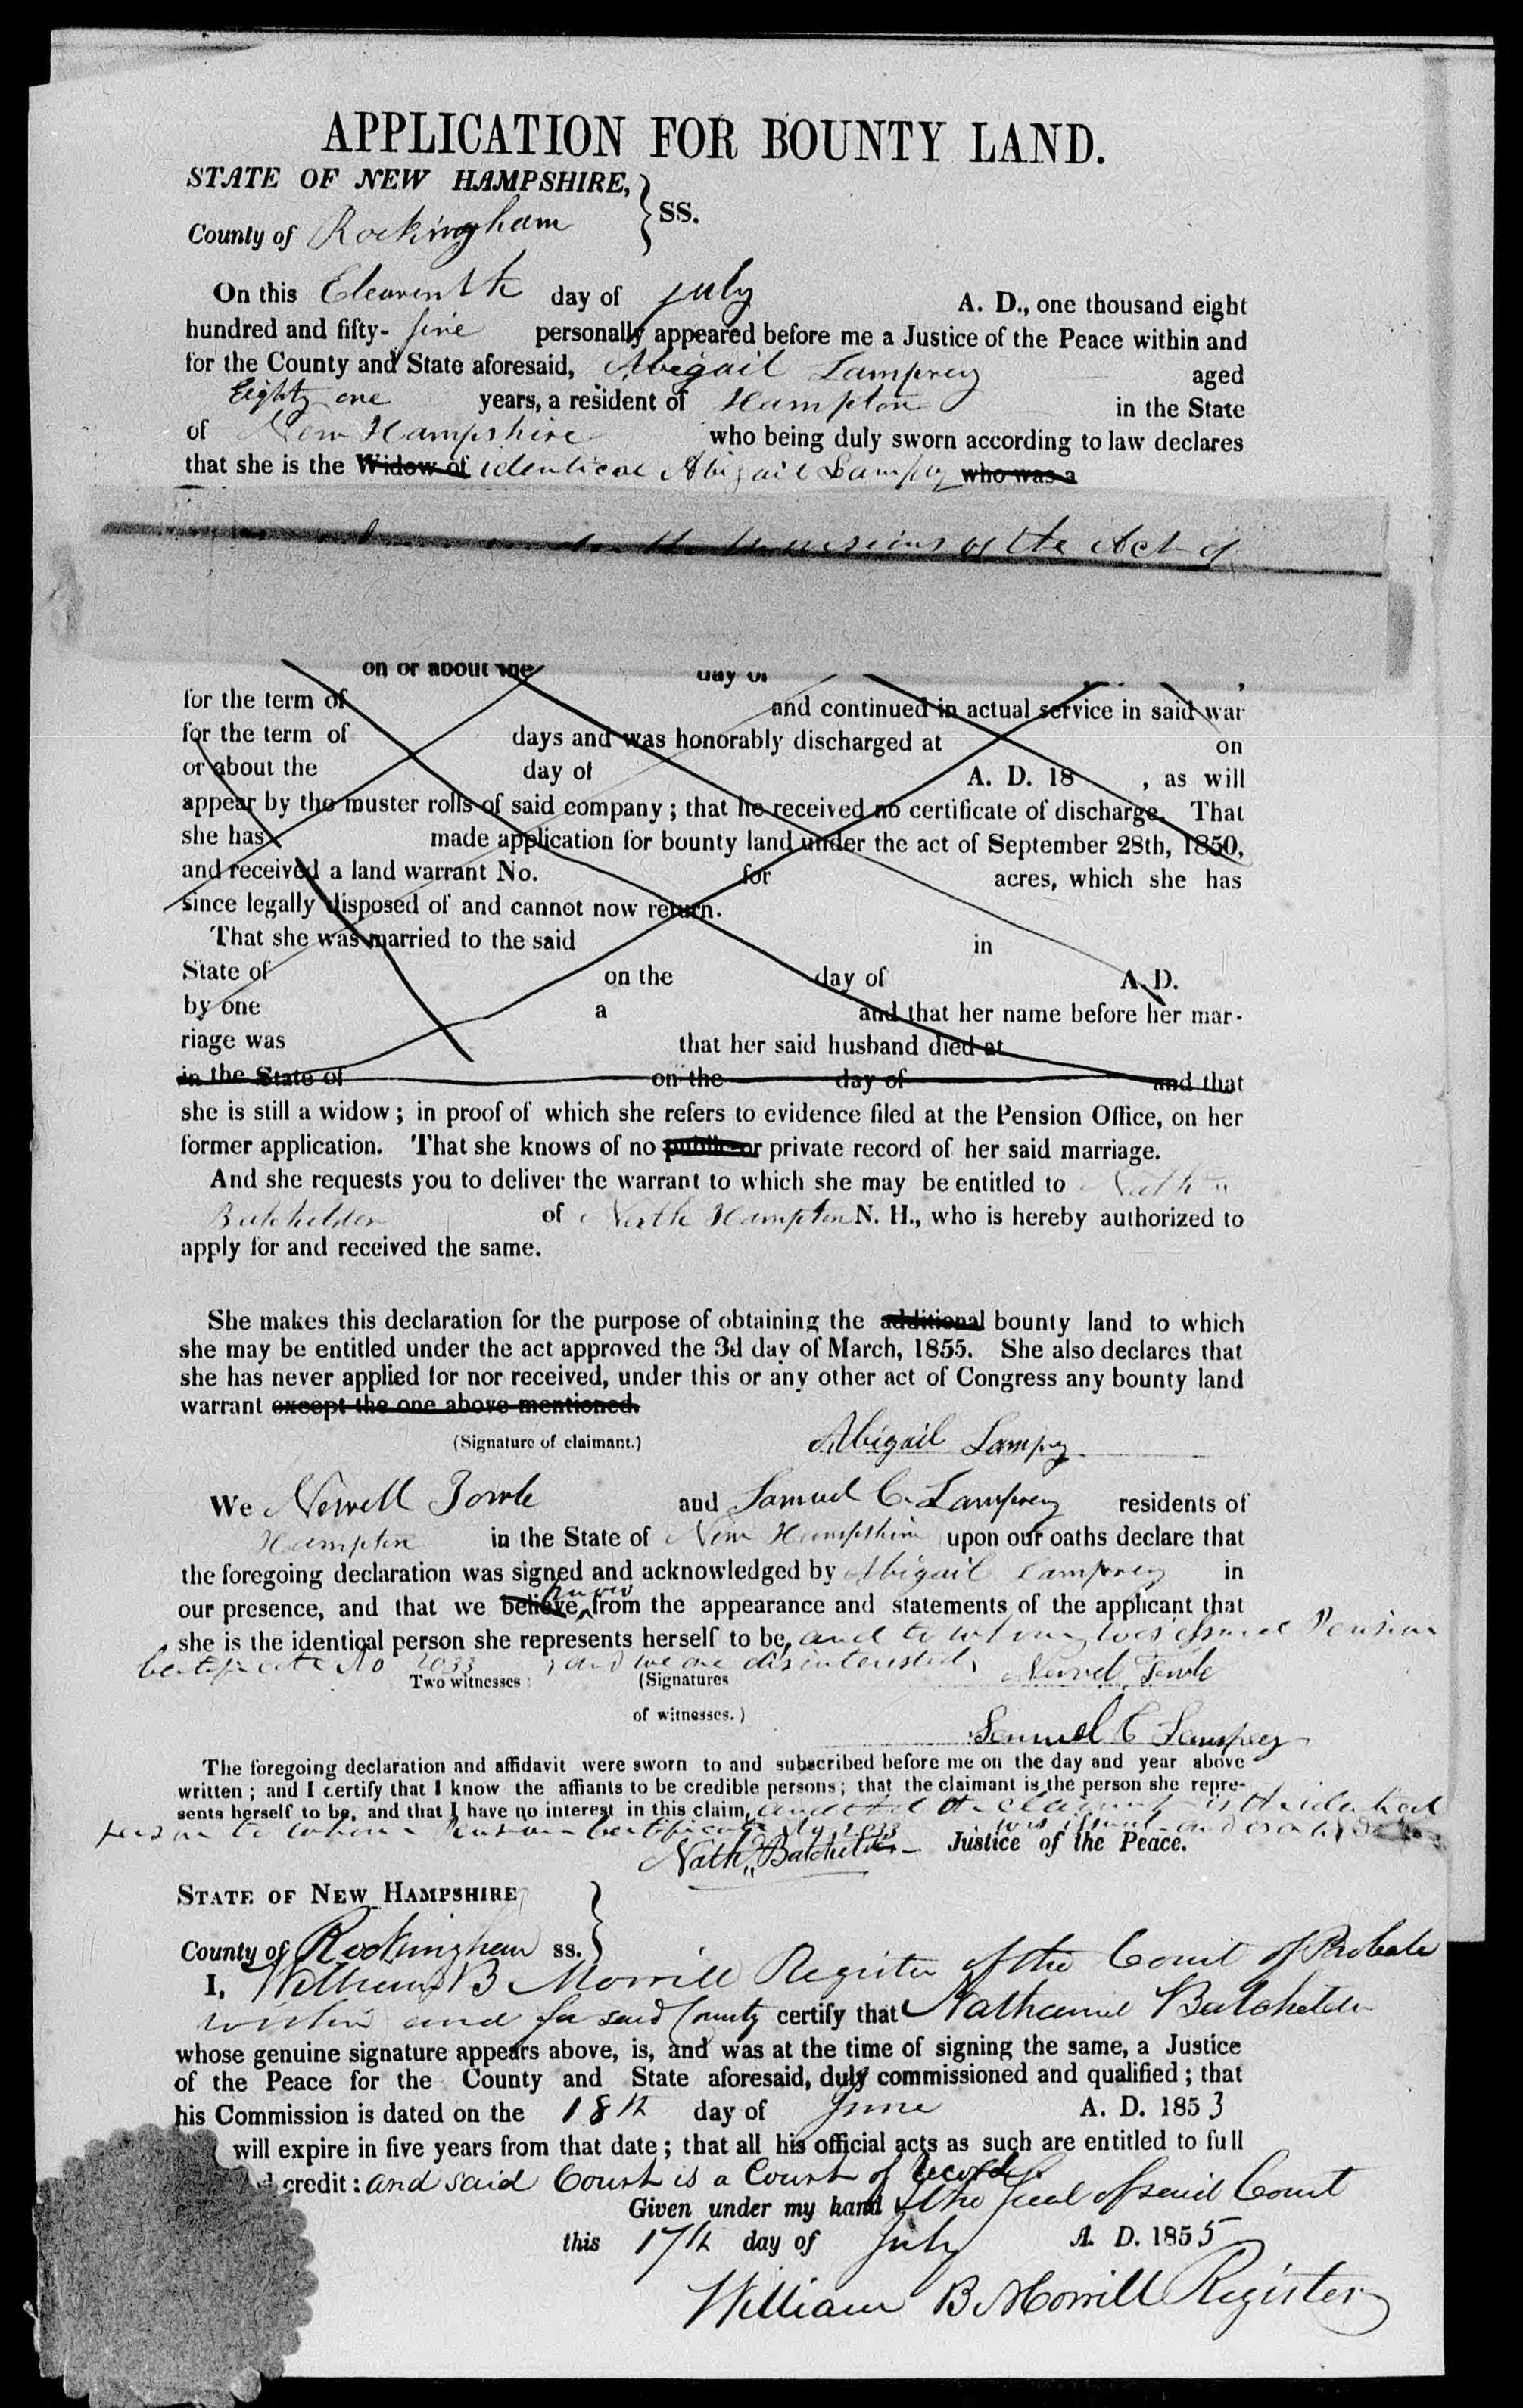APPLICATION FOR BOUNTY LAND.
STATE OF NEW HAMPSHIRE,
County of Rockingham} SS.
On this Eleventh day of July A. D. one thousand eight hundred and fifty-five personally appeared before me a Justice of the Peace within and for the County and State aforesaid, Abigail Lamprey aged Eighty one years, a resident of Hampton in the State of New Hampshire who being duly sworn according to law declares that she is the identical Abigail Lamprey [illegible] of the Act of [several lines crossed out]
she is still a widow; in proof of which she refers to evidence filed at the Pension Office, on her
former application. That she knows of no private record of her said marriage.
And she requests you to deliver the warrant to which she may be entitled to Nathl [NATHANIEL] Batchelder of North Hampton, N. H., who is hereby authorized to apply for and received the same.

She makes this declaration for the purpose of obtaining the bounty land to which she may be entitled under the act approved the 3d day of March, 1855. She also declares that she has never applied for nor received, under this or any other act of Congress any bounty land warrant 

(Signature of claimant.) Abigail Lamprey
We Newell Towle and Samuel C. Lamprey residents of Hampton in the State of New Hampshire upon our oaths declare that the foregoing declaration was signed and acknowledged by Abigail Lamprey in our presence, and that we proven from the appearance and statements of the applicant that she is the identical person she represents herself to be, and to whom was issued Pension Certificate No 2033, and we are disinterested.
Two witnesses: (Signatures of witnesses.) Newell Towle Samuel C. Lamprey 
The foregoing declaration and affidavit were sworn to and subscribed before me on the day and year above written; and I certify that I know the affiants to be credible persons; that the claimant is the person she represents herself to be, and that I have no interest in this claim, and the claimant is the identical person to whom  Pension Certificate No 2033 was issued and is a widow
Nath [NATHANIEL] Batcheler - Justice of the Peace.

STATE OF NEW HAMPSHIRE.
County of Rockingham ss.}
I, William B. Morrill Register of the Court of Probate within and for said County certify that Nathaniel Batchelder whose genuine signature appears above, is, and was at the time of signing the same, a Justice of the Peace for the County and State aforesaid, duly commissioned and qualified; that his Commission is dated on the 18th day of June
A. D. 1853 [and] will expire in five years from that date; that all his official acts as such are entitled to full [faith and] credit: and said Court is a Court of Record.
Given under my hand & the seal of said Court
this 17th day of July A. D. 1855
William B Morrill Register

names: Samuel C Lamprey; William B Morrill; Nathaniel Batchelder; Abigail Lamprey; Newell Towle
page: 14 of 53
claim: widow's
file: W. 492, for Daniel Lamprey, New Hampshire